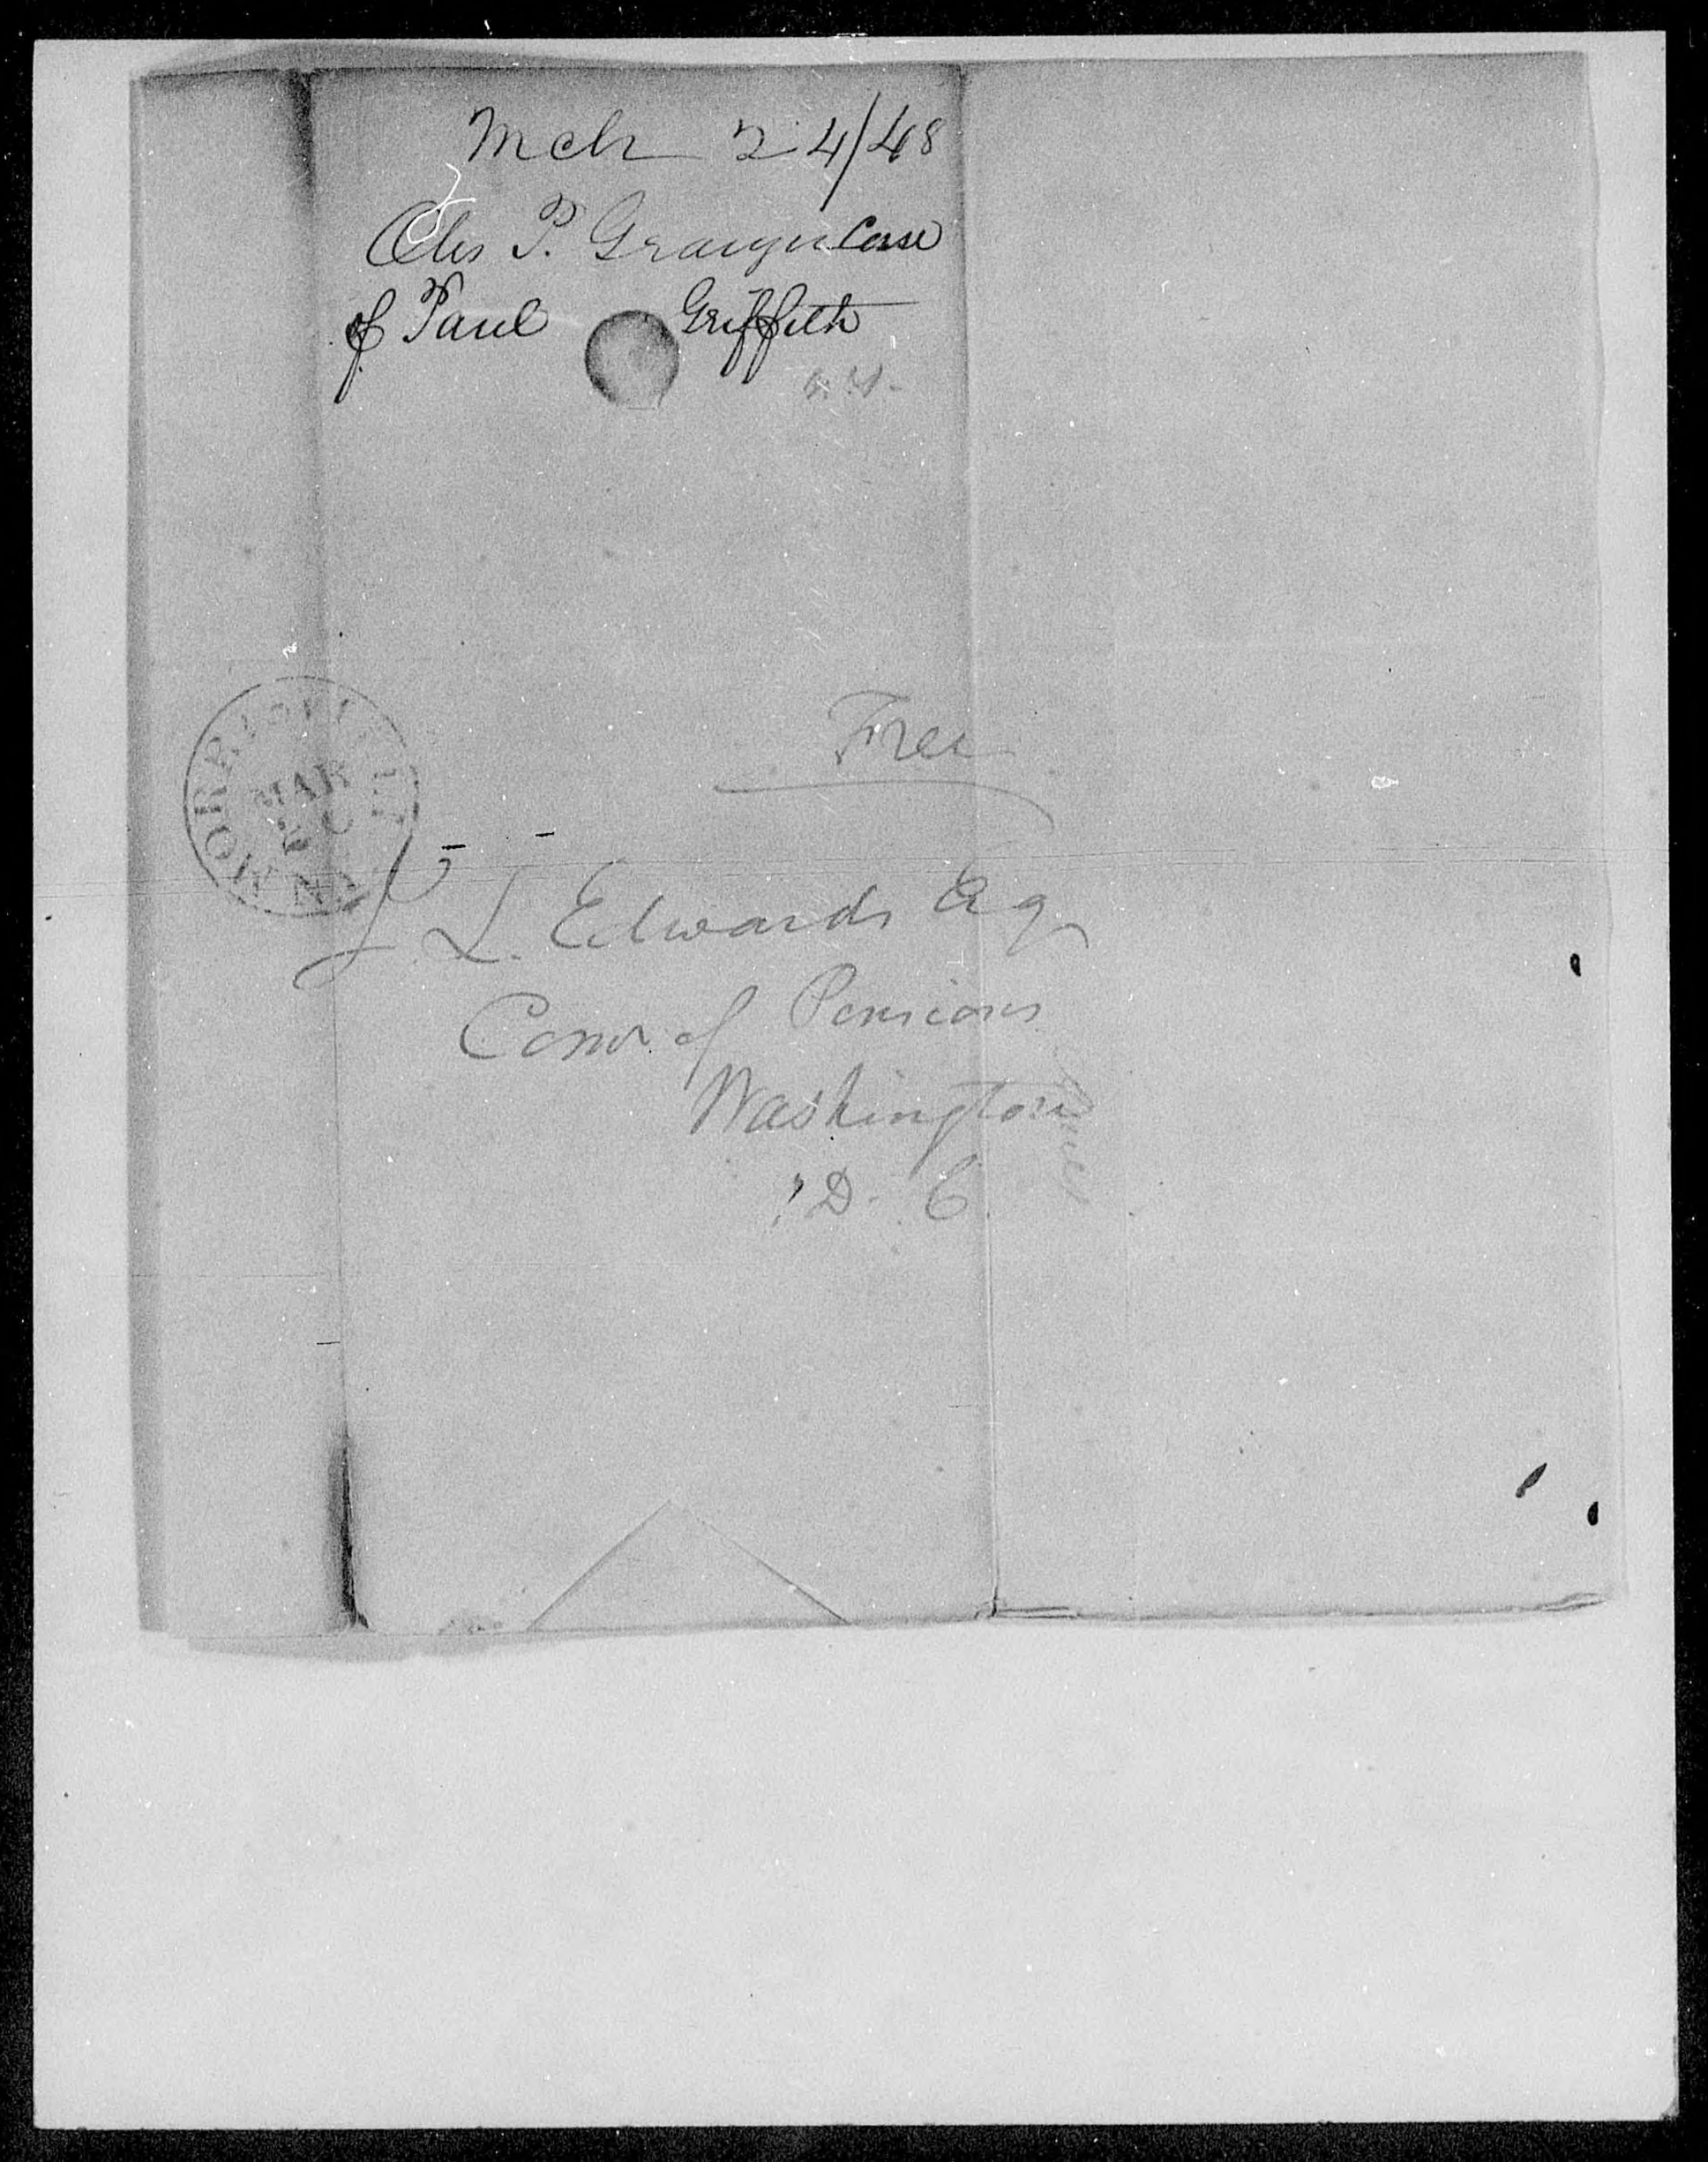Mch 24/48
Otis P. Granger Case 
of Paul Griffith
[stamp] MORRISVILLE NY
MAR 26
Free
J. L. Edwards Esq.
Com. of Pensions
Washington D. C.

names: J L Edwards, Paul Griffith, Otis P Granger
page: 46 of 61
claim: survivor's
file: S. 22798, Paul Griffiths, R.I.